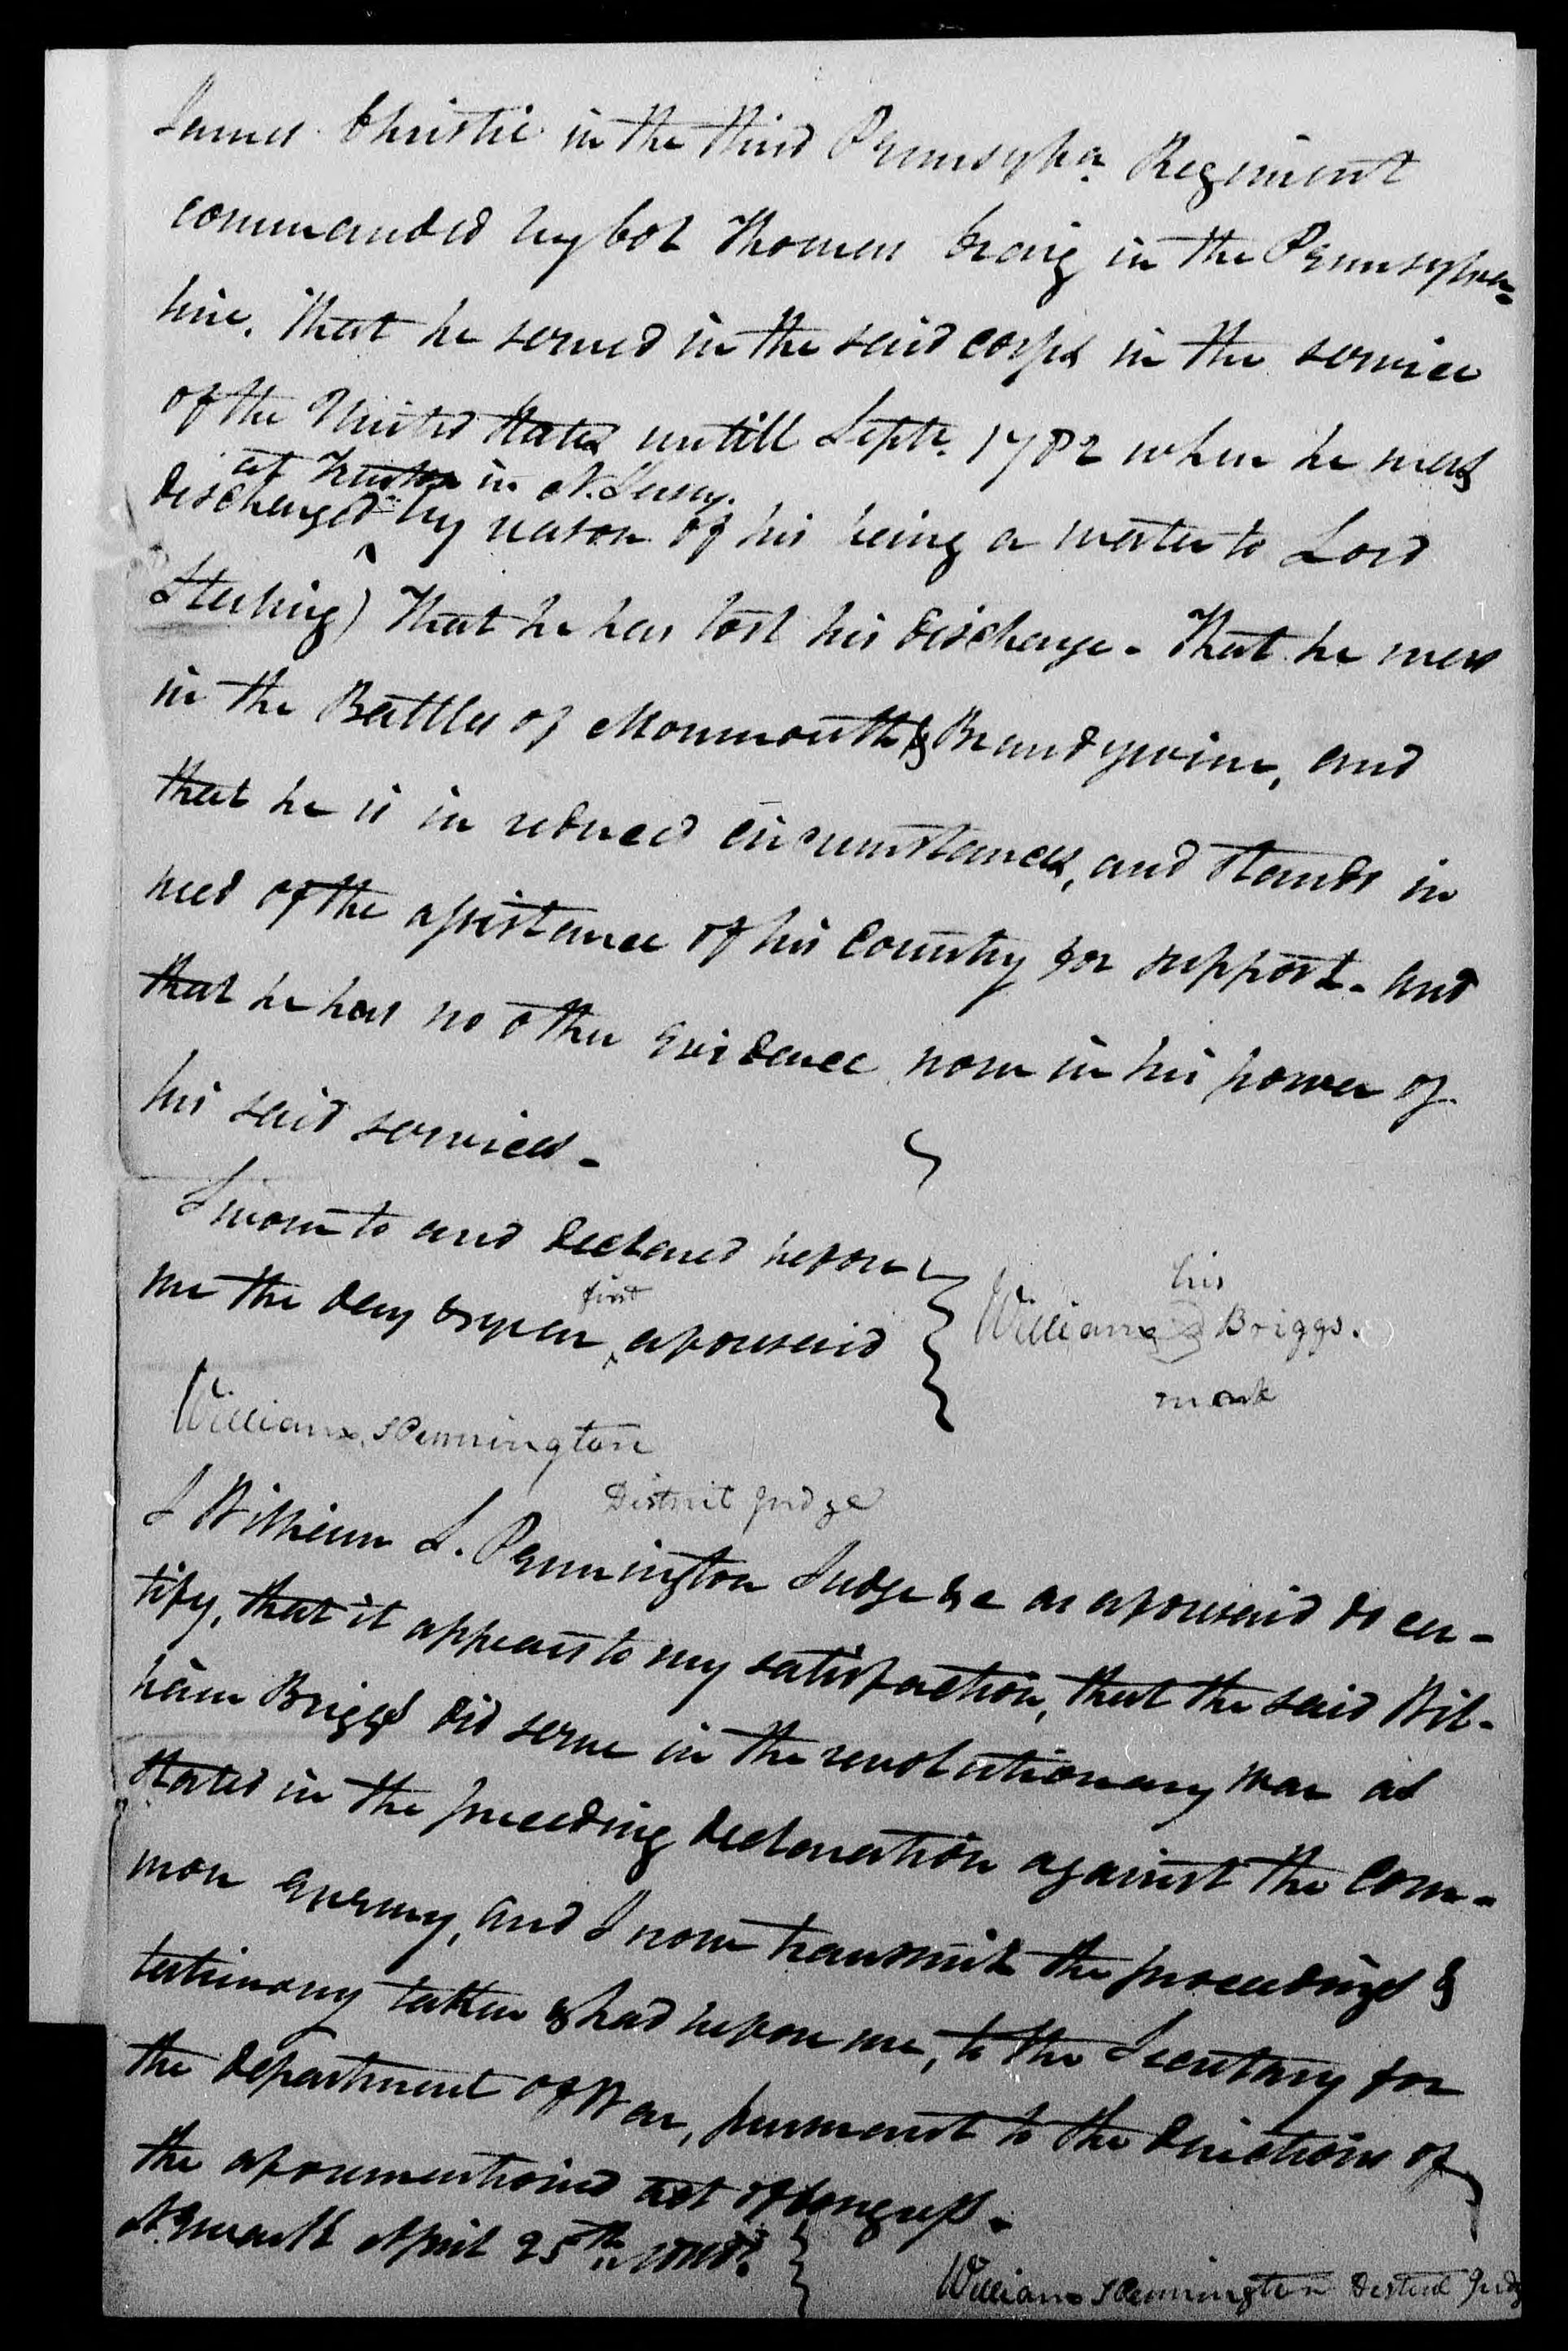James Christie in the third Pennsylvania Regiment commanded by Colonel Thomas Craig in the Pennsylvania Line. That he served in the said corps in the service of the United States until September 1782 when he was discharged at Trenton New Jersey by reason of his being a waiter to Lord Sterling. That he has lost his discharge. That he was in the Battles of Monmouth, Brandywine and that he is in reduced circumstances and stands in need of assistance of his country for support but that he has no other evidence now in his power of his said service. 
Sworn to and declared his before me the day & year first aforesaid. 
William Briggs his mark 
William S. Pennington 
District Judge 
I William S. Pennington Judge as aforesaid do certify that it appears to my satisfaction, that the said William Briggs did serve in the revolutionary War as stated in the preceding declaration against the common enemy and I now transmit the proceedings & testimony taken & had before me, to the Secretary for the Department of War pursuant to the instructions of the aforementioned act of Congress. 
N. Brunell April 25th 1820
William S. Pennington District Judge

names: William Briggs, Thomas, William S Pennington, William S Pennington, William S Pennington, William Briggs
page: 7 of 9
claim: survivor's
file: S. 34,076, William Briggs, Penn.